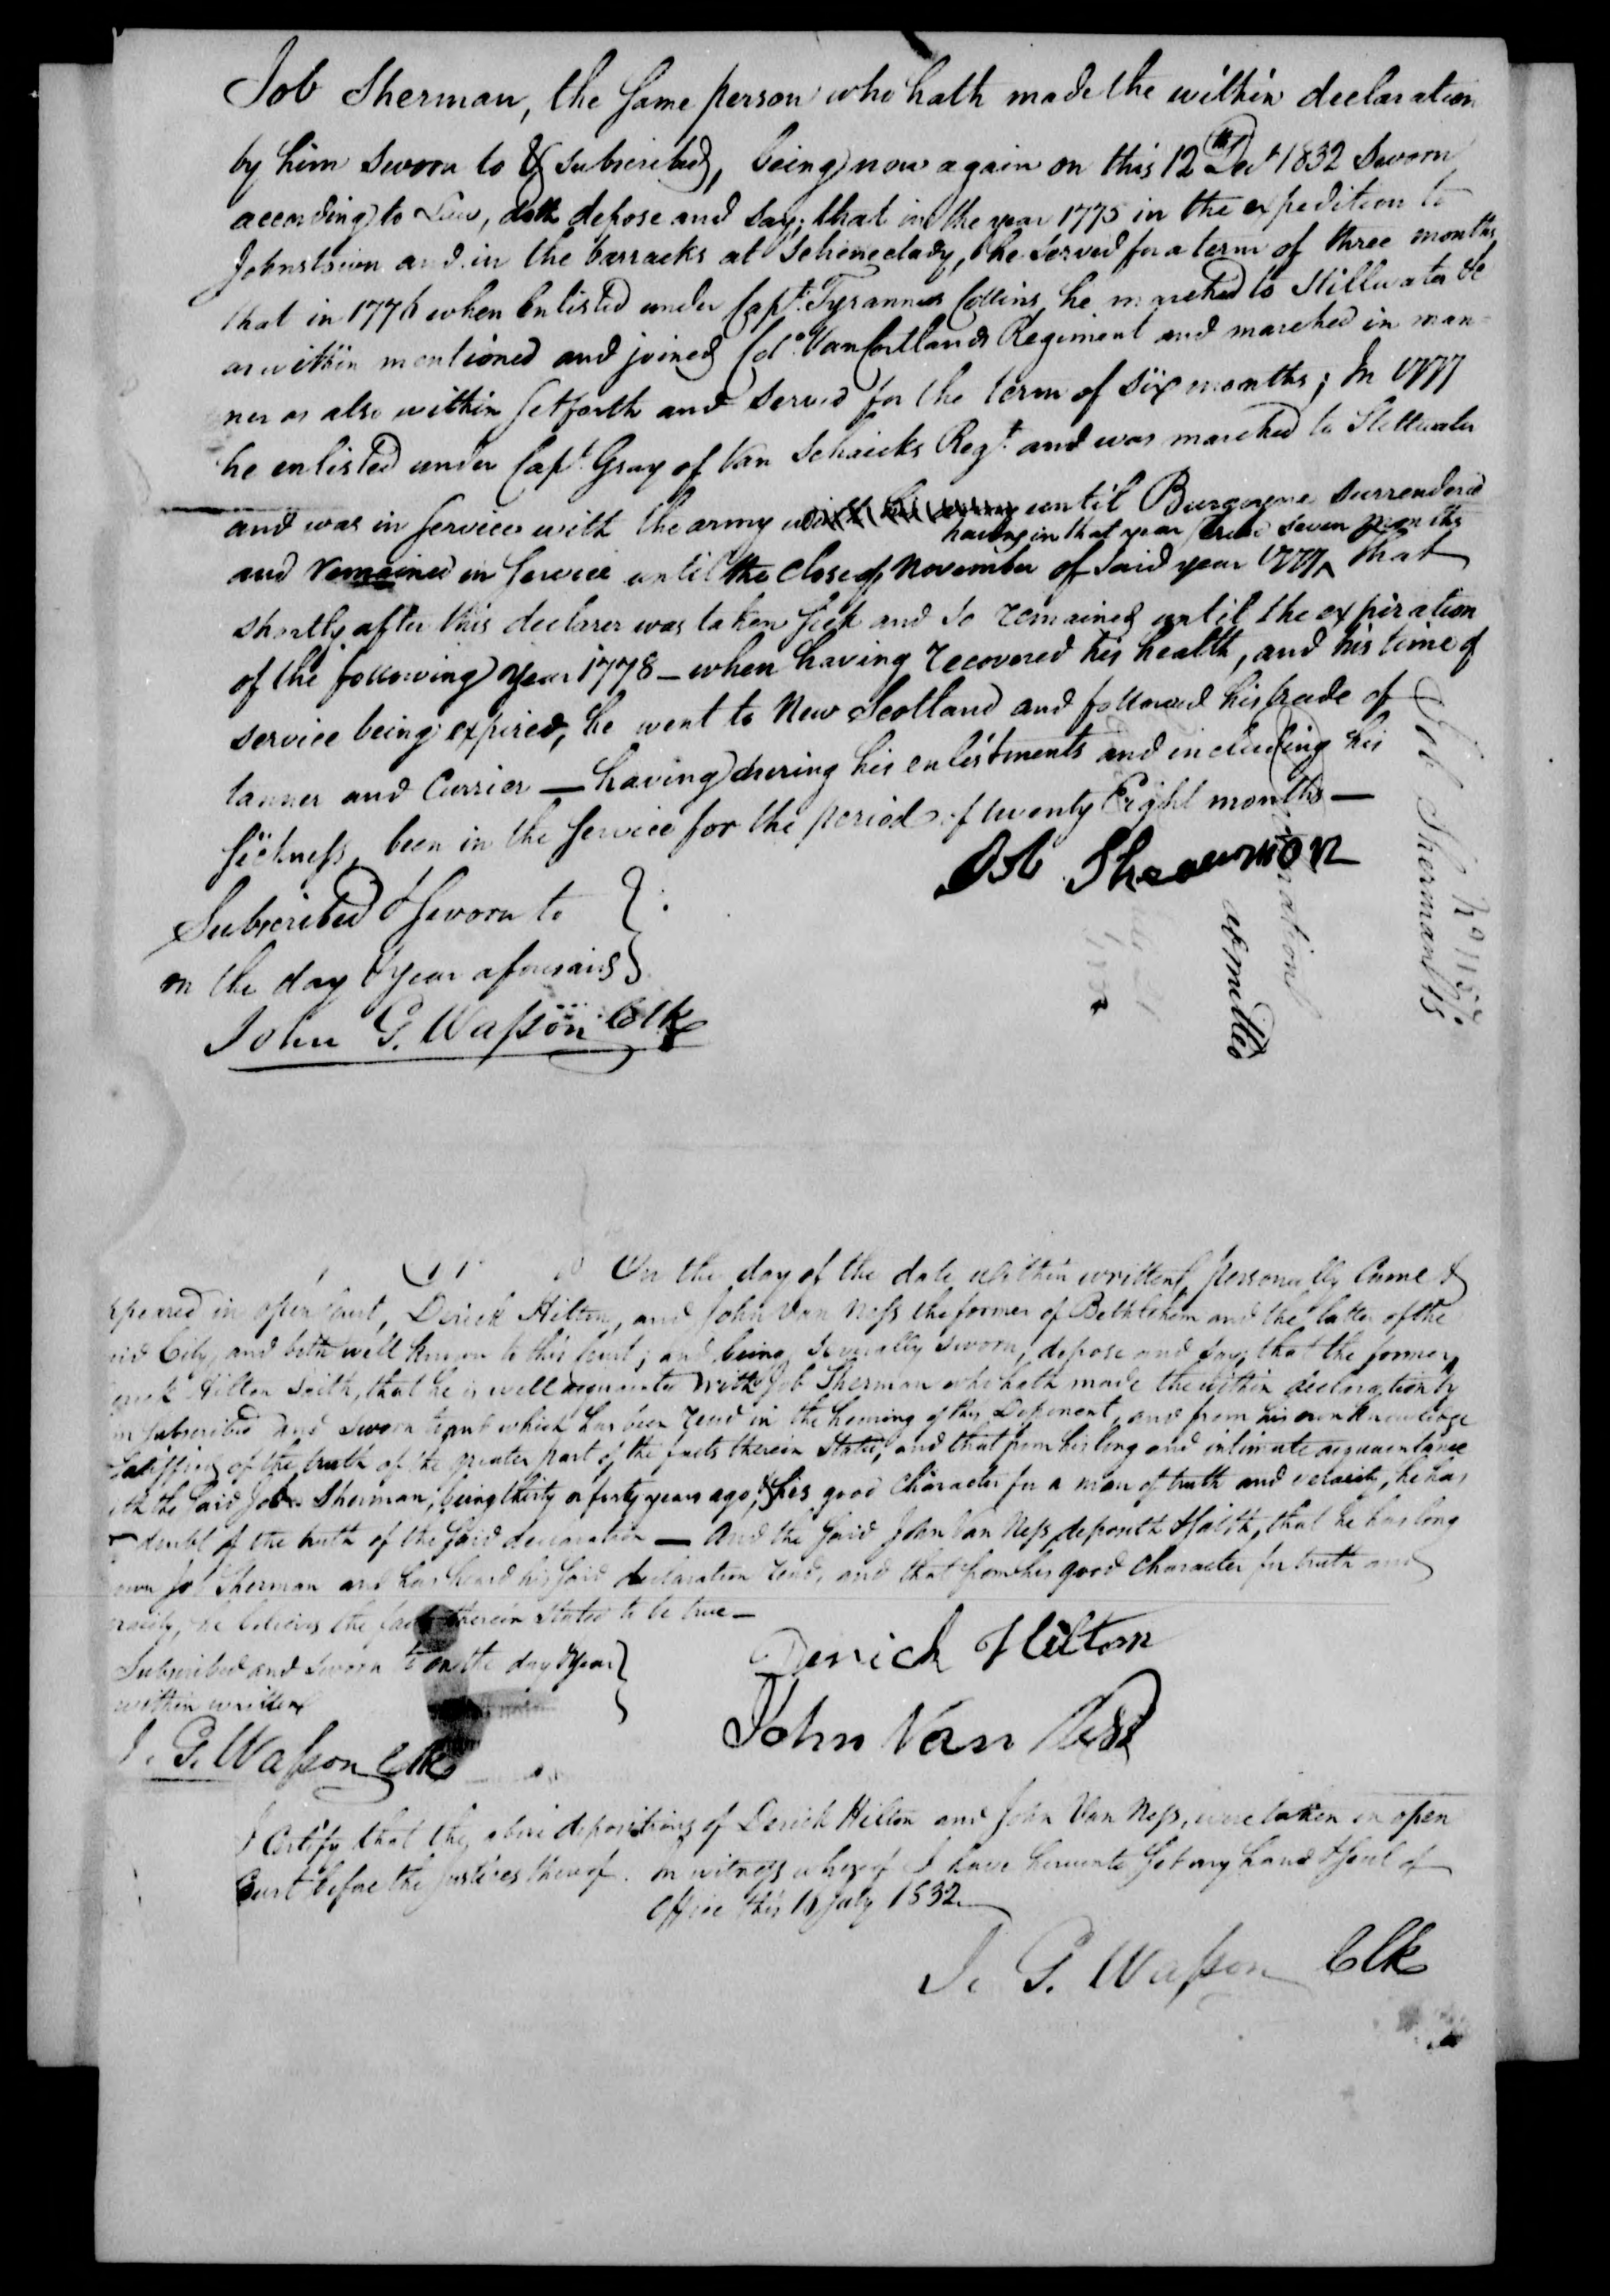[doc is written & damaged]

Job Sherman, the same person who hath made the within declaration
by him sworn to and subscribed, being now again on this 12th Dec 1832 sworn
according to Law, doth depose and say that in the year 1775 in the expedition to
Johnstown and in the barracks at Schenectady, he served for a term of three months
that in 1776 when Enlisted under Capt Tyrannus Collins he marched to Stillwater etc
as within mentioned and joined Colo Van Cortlands Regiment and marched in man-
ner as also within set forth and served for the term of six months; In 1777
he enlisted under Capt Gray of Van Schnaicks Regt and was marched to Stillwater
and was in service with the army [next 3 words crossed out & illegible] until Burgoyne surrendered
and remained in service until the close of November of said year 1777 having in that year served seven months [preceding 7 words inserted] that
shortly after this declarer was taken sick and so remained until the expiration
of the following year 1778--when having recovered his health, and his time of
service being expired, he went to New Scotland and followed his trade of
tanner and currier--having during his enlistment and including his
sickness, been in the service for a period of twenty Eight months---
Subscribed & sworn to}      Job Shearmon
on the day & year aforementioned}
John  G. Wasson

[following is written vertically]
No 1159
Job Sherman  13
Declaration
admitted
[illegible words] 1832

[Illegible words]
On the day of the date within written personally Came &
[torn]peared in open Court, Derick Hilton and John Van Ness the former of Bethelem and the latter of the
[torn]id City, and both well known to this Court, and being individually sworn, depose and say that the former
[torn]erick Hilton saith that he is well acquainted with Job Sherman who hath made the within declaration 
in Subscribed and Sworn to and which has been [illegible] in the hearing of the Deponent, and from his own knowledge
[illegible]iffing of the truth of the greater part of the facts therein stated, and that from his long and intimate acquaintance
[torn]ith the said Job Sherman, being thirty or forty years ago, & his good character for a man of the truth and veracity, he has
[torn] doubt of the truth of the said declaration--and the said John Van Ness deposeth & saith that he has long
[torn]own Job Sherman and has heard his said declaration [illegible] and that from his good character for truth and
[torn]racity, he believes the facts therein stated to be true--
Subscribed and sworn to on the day & year}    Derick Hilton
written within}   John Van Ness
J.G. Wasson Clk

I Certify the above depositions of Derick Hilton and John Van Ness, were taken in open
Court before the Justices thereof. In witness whereof I have hereunto set my hand & seal of
office the 18 July 1832
J.G. Wasson Clk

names: Derick Hilton; John Van Ness; John Van Ness; Derick Hilton; Job Sherman; Job Sherman; John Sherman; J G Wasson; Job Shearmon; Derick Hilton; John Van Ness; [BLANK] Gray; John Van Ness; Job Shermon; Tyrannus Collins; John G Wasson; Job Sherman; J G Wasson; Derick Hilton; [BLANK] Burgoyne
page: 4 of 10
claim: survivor's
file: S. 28,874, for Job Shearmon, New York